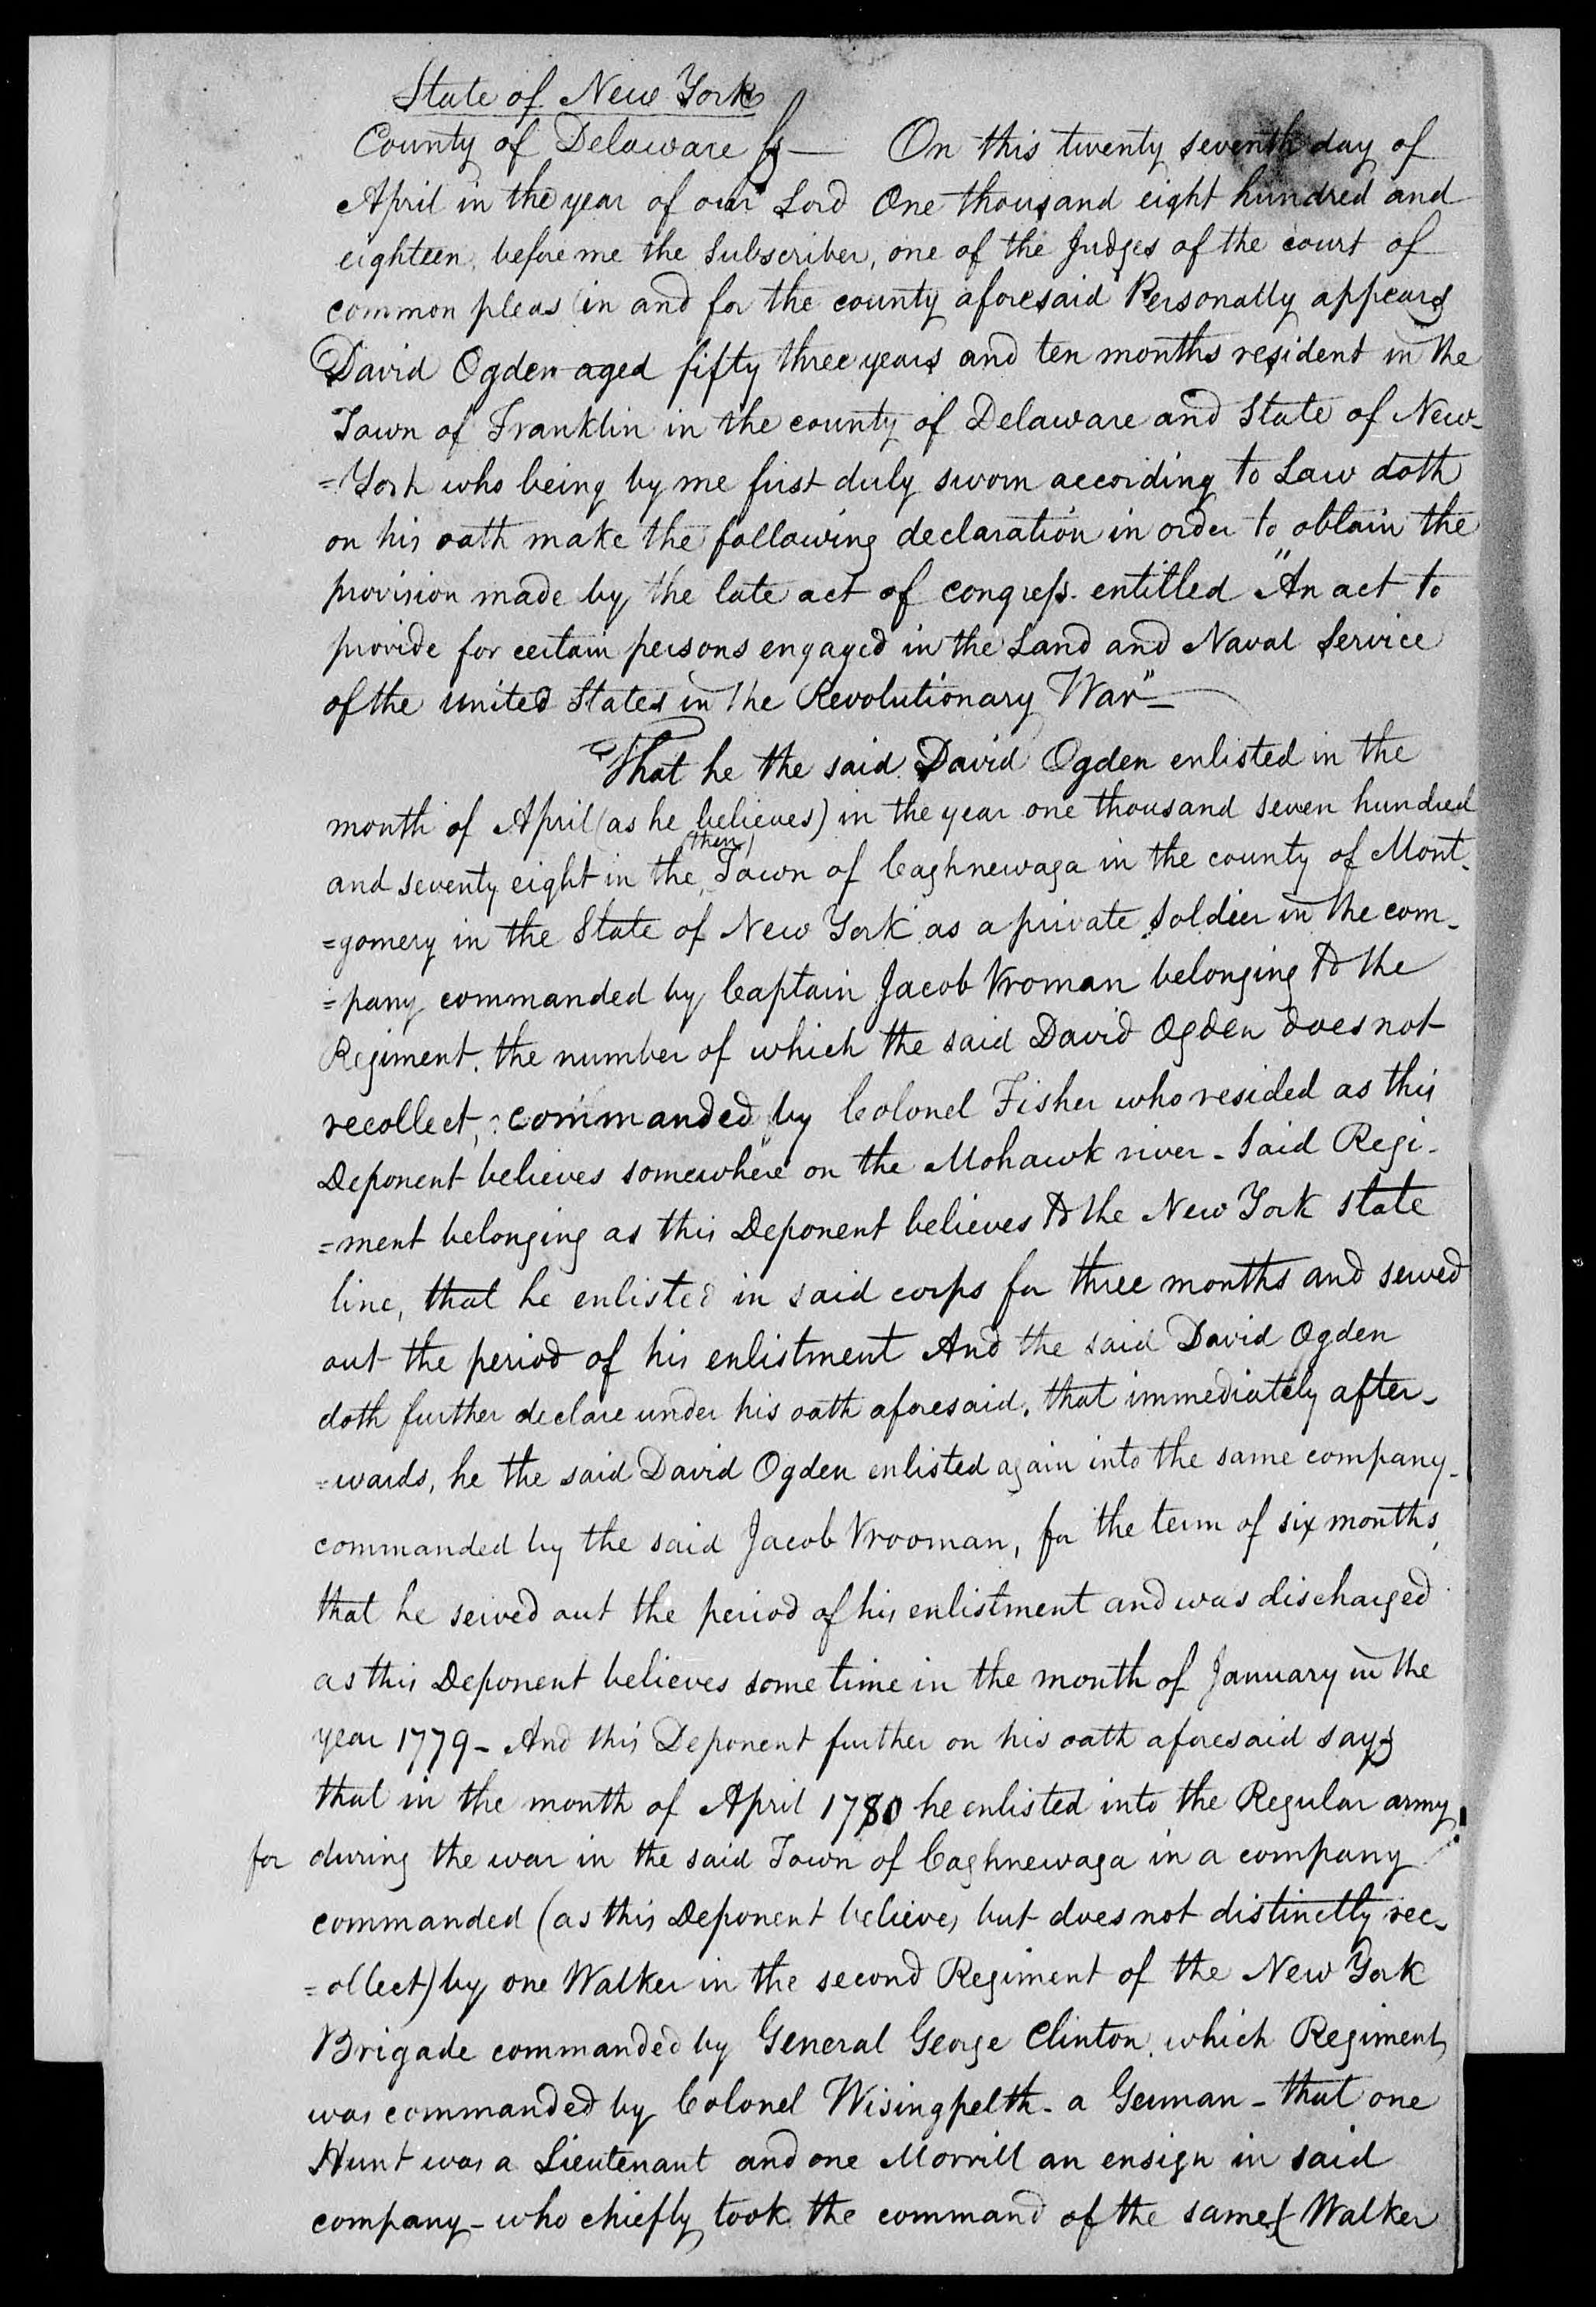State of New York
County of Delaware ss -- On this twenty seventh day of
April in the year of our Lord one thousand eight hundred and
eighteen, before me the Subscriber, one of the Judges of the court of
common pleas in and for the county aforesaid Personally appeard
David Ogden aged fifty three years and ten months resident in the
Town of Franklin in the County of Delaware and State of New York
who being by me first duly sworn according to Law doth
on his oath make the following declaration in order to obtain the
provision made by the late act of congress entitled "An act to
provide for certain persons engaged in the Land and Naval Service
of the United States in the Revolutionary War"

That he the said David Ogden enlisted in the
month of April (as he believes) in the year one thousand seven hundred
and seventy eight in the (then) Town of Caghnewaga in the County of 
Montgomery in the State of New York as a private soldier in the 
company commanded by Captain Jacob Vroman belonging to the
Regiment the number of which the said David Ogden does not
recollect commanded by Colonel Fisher who resided as this
Deponent believes somewhere on the Mohawk river.  Said Regiment 
belonging as this deponent believes to the New York State
line, that he enlisted in said corps for three months and served 
out the period of his enlistment And the said David Ogden
doth further declare under his oath aforesaid, that immediately afterwards, 
he the said David Ogden enlisted again into the same company
commanded by the said Jacob Vrooman, for the term of six months
that he served out the period of his enlistment and was discharged
as this deponent believes some time in the month of January in the
year 1779.  And this Deponent further on his oath aforesaid says
that in the month of April 1780 he enlisted into the Regular army
for during the war in the said Town of Caghnewaga in a company
commanded (as this deponent believes, but does not distinctly 
recollect) by one Walker in the second Regiment of the New York
Brigade commanded by General George Clinton, which Regiment
was commanded by Colonel Wisinghelth a German - that one
Hunt was a Lieutenant and one Morrill an ensign in said
company - who chiefly took the command of the same (Walker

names: [BLANK] Morrill; [BLANK] Fisher; [BLANK] Walker; David Ogden; George Clinton; [BLANK] Wisingpelth; Jacob Vroman; [BLANK] Hunt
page: 18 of 40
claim: widow's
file: W. 24364, for David Ogden, New York